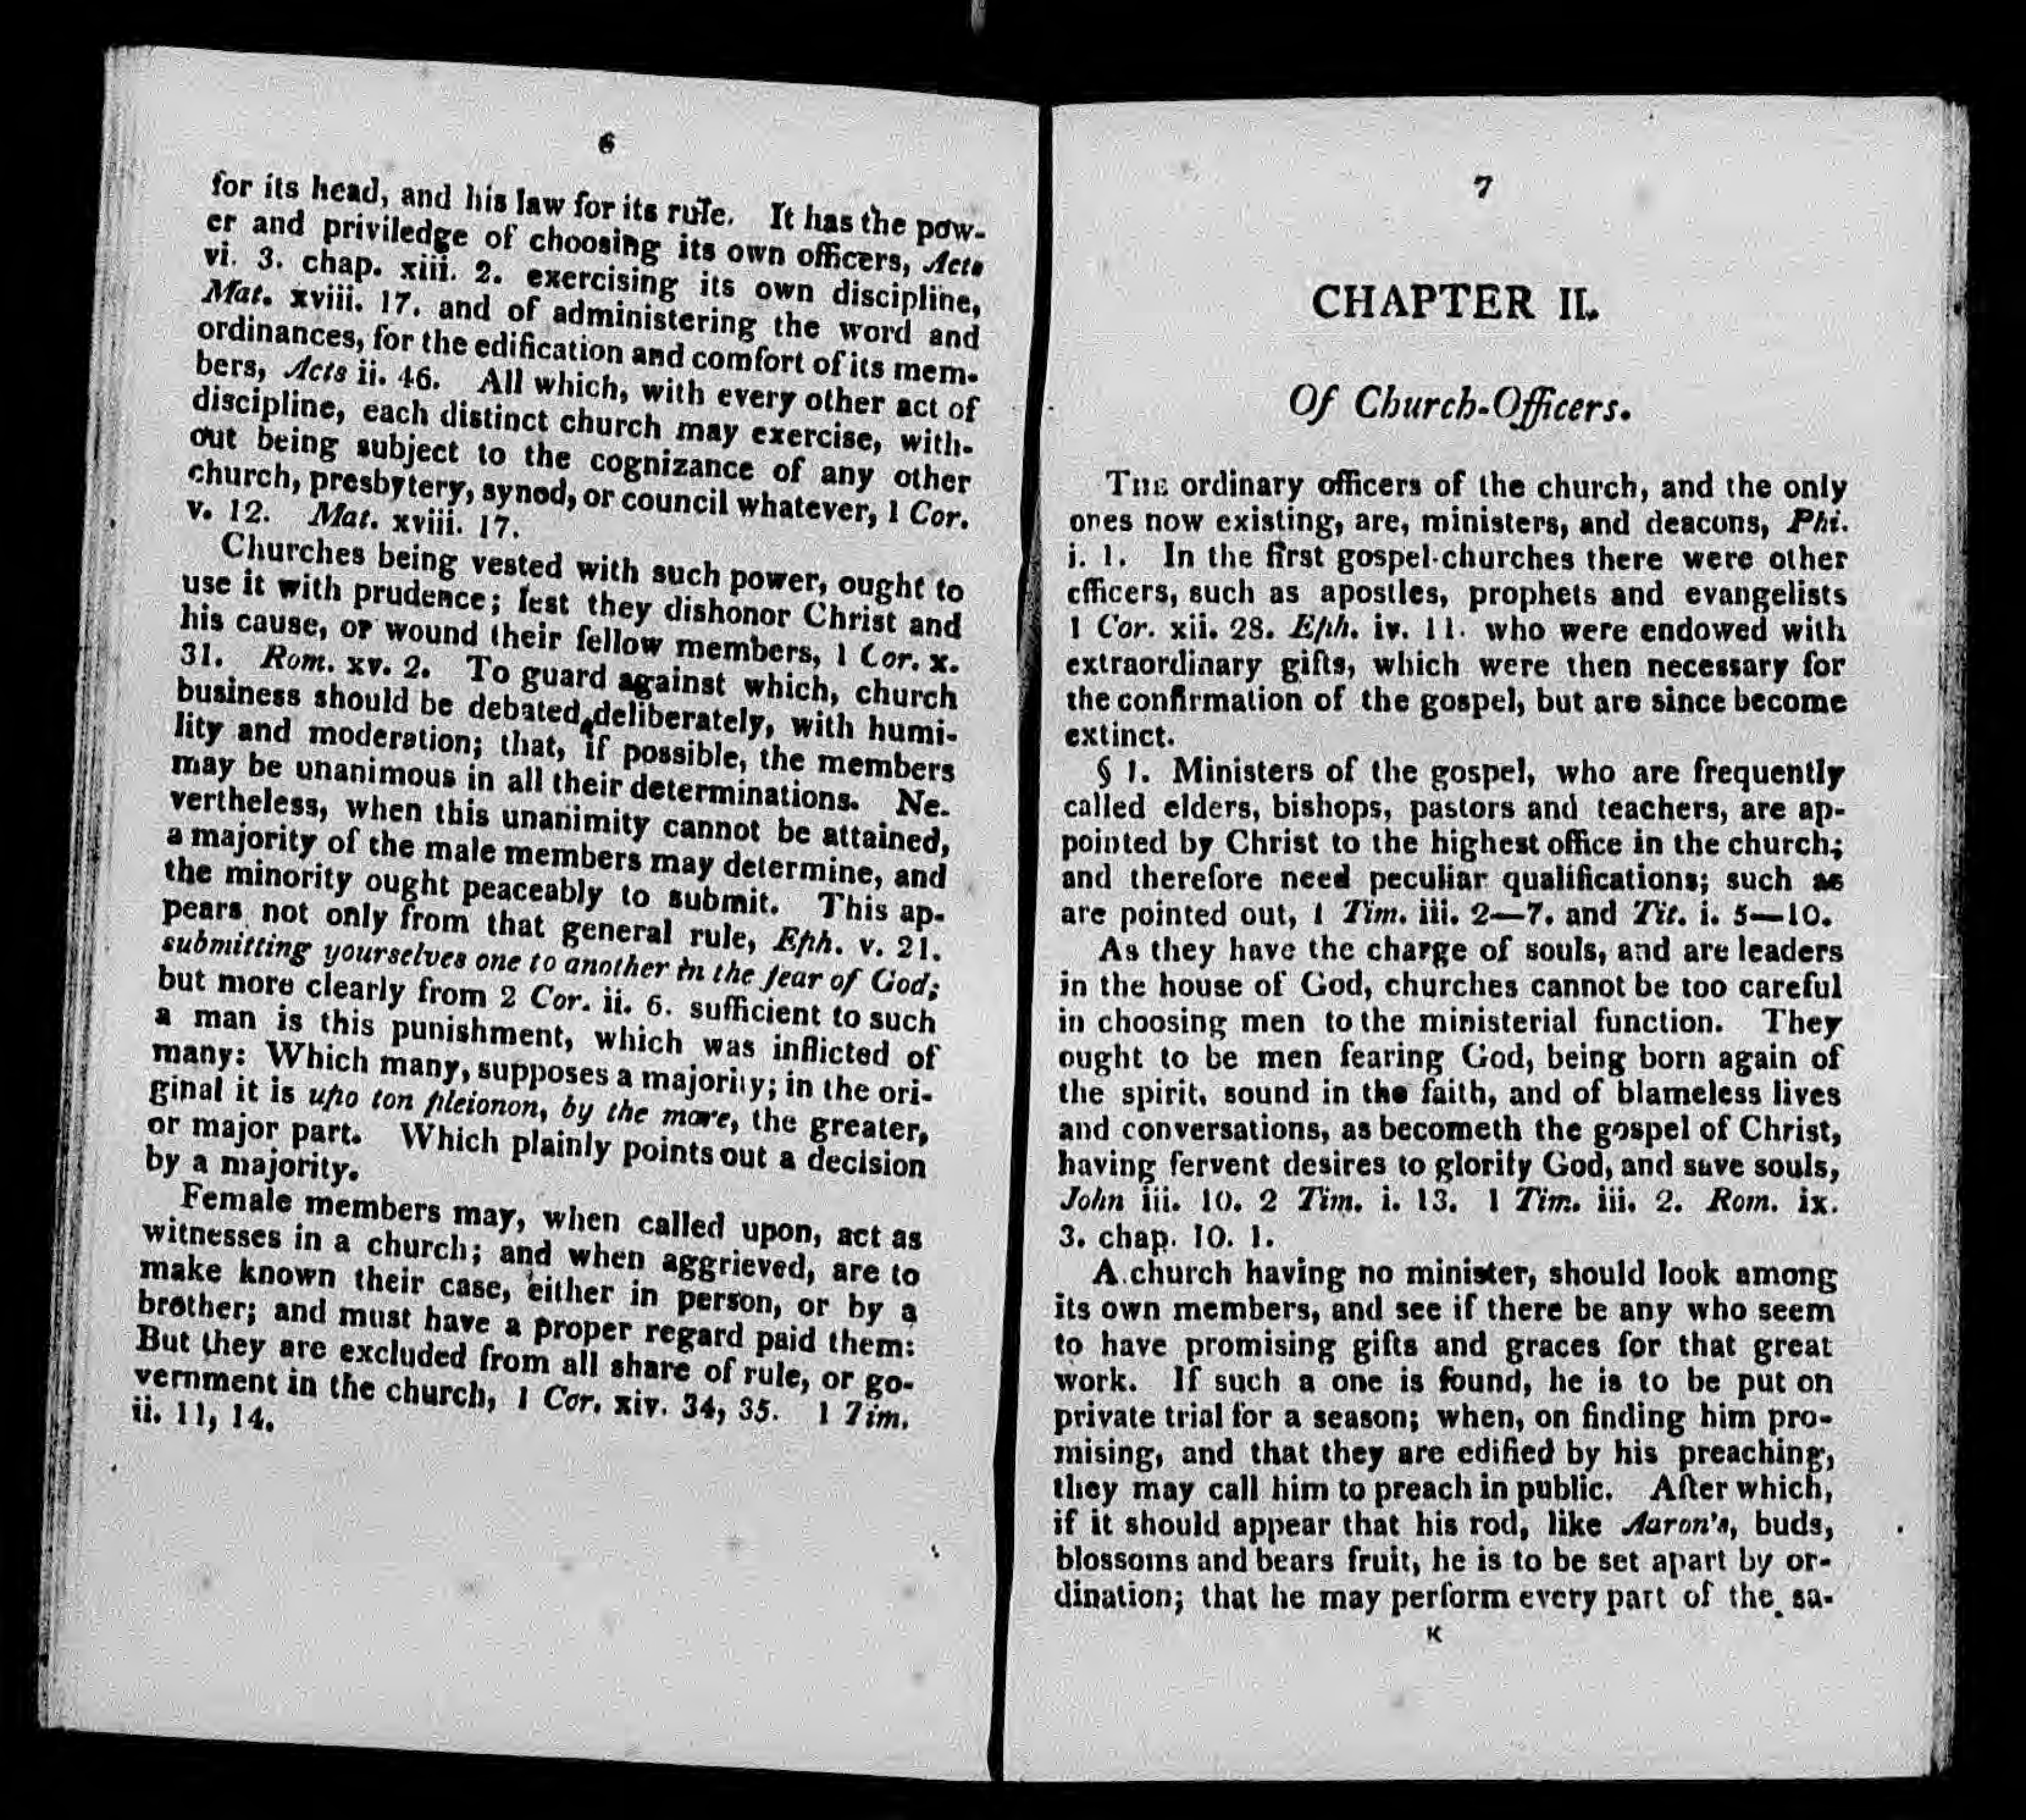6

for its head, and his law for its rule. It has the power and priviledge of choosing its own officers, Acts vi. 3. chap. xiii. 2. to exercising its own discipline, Mat, xviii. 17, and of administering the word and ordinances, for the edification and comfort of its members, Acts ii. 46. All which, with every other act of discipline, each distinct church may exercise, without being subject to the cognizance of any other church presbytery, synod, or council whatever, 1 Cor. v. 12. Mat. xviii. 17.
Churches being vested with such power, ought to use it with prudence; lest they dishonor Christ and his cause, or wound their fellow members, 1 Cor. x. 31. Rom. xv. 2. To guard against which, church business should be debated deliberately, with humility and moderation; that, if possible, the members may be unanimous in all their determinations, Nevertheless, when this unanimity cannot be attained a majority of the male members may determine, and the minority ought peaceably to submit. This appears not only from that general rule, Eph. v. 21. submitting yourselves one to another in the fear of God; but more clearly from 2 Cor. ii. 6, sufficient to such a man is this punishment, which was inflicted of many: Which many supposes a majority; in the original it is upo ton pleionon, by the more, the greater, or major part. Which plainly points out a decision by a majority.
Female members may, when called upon, act as witnesses in a church; and when aggrieved, are to make known their case, either in person, or by a brother; and must have a proper regard paid them: But they are excluded from all share of rule, or government in the church, 1 Cor. xiv. 34, 33 Tim ii. 11, 14.

7

CHAPTER II.

Of Church Officers.

THE ordinary officers of the church, and the only ones now existing, are, ministers, and deacons, Phi. i. 1. In the first gospel-churches there were other officers, such as apostles, prophets and evangelists 1 Cor. xii. 28. Eph. iv. 11. who were endowed with extraordinary gifts, which were then necessary for the confirmation of the gospel, but are since become extinct.
1. Ministers of the gospel, who are frequently called elders, bishops, pastors and teachers, are appointed by Christ to the highest office in the church; and therefore need peculiar qualifications, such as are pointed out, 1 Tim. iii. 2-7, and Tit. i. 5-10.
As they have the charge of souls, and are leaders in the house of God, churches cannot be too careful in choosing men to the ministerial function. They ought to be men fearing God, being born again of the spirit, sound in the faith, and of blameless lives and conversations, as becometh the gospel of Christ, having fervent desires to glorify God, and save souls, John iii. 10. 2 Tim. i. 13. I Tim. iii. 2. Rom, ix. 3 chap. 10. 1.
A church having no minister, should look among its own members, and see if there be any who seem to have promising gifts and graces for that great work. If such a one is found, he is to be put on private trial for a season; when, on finding him promising, and that they are edified by his preaching, they may call him to preach in public. After which, if it should appear that his rod, like Aaron's, buds, blossoms and bears fruit, he is to be set apart by ordination; that he may perform every part of the sa-
K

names: Mat, Tim, Mat, John, Tit, Tim, Tim, Tim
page: 49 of 98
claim: widow's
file: W. 8398, William Broadway, S.C.